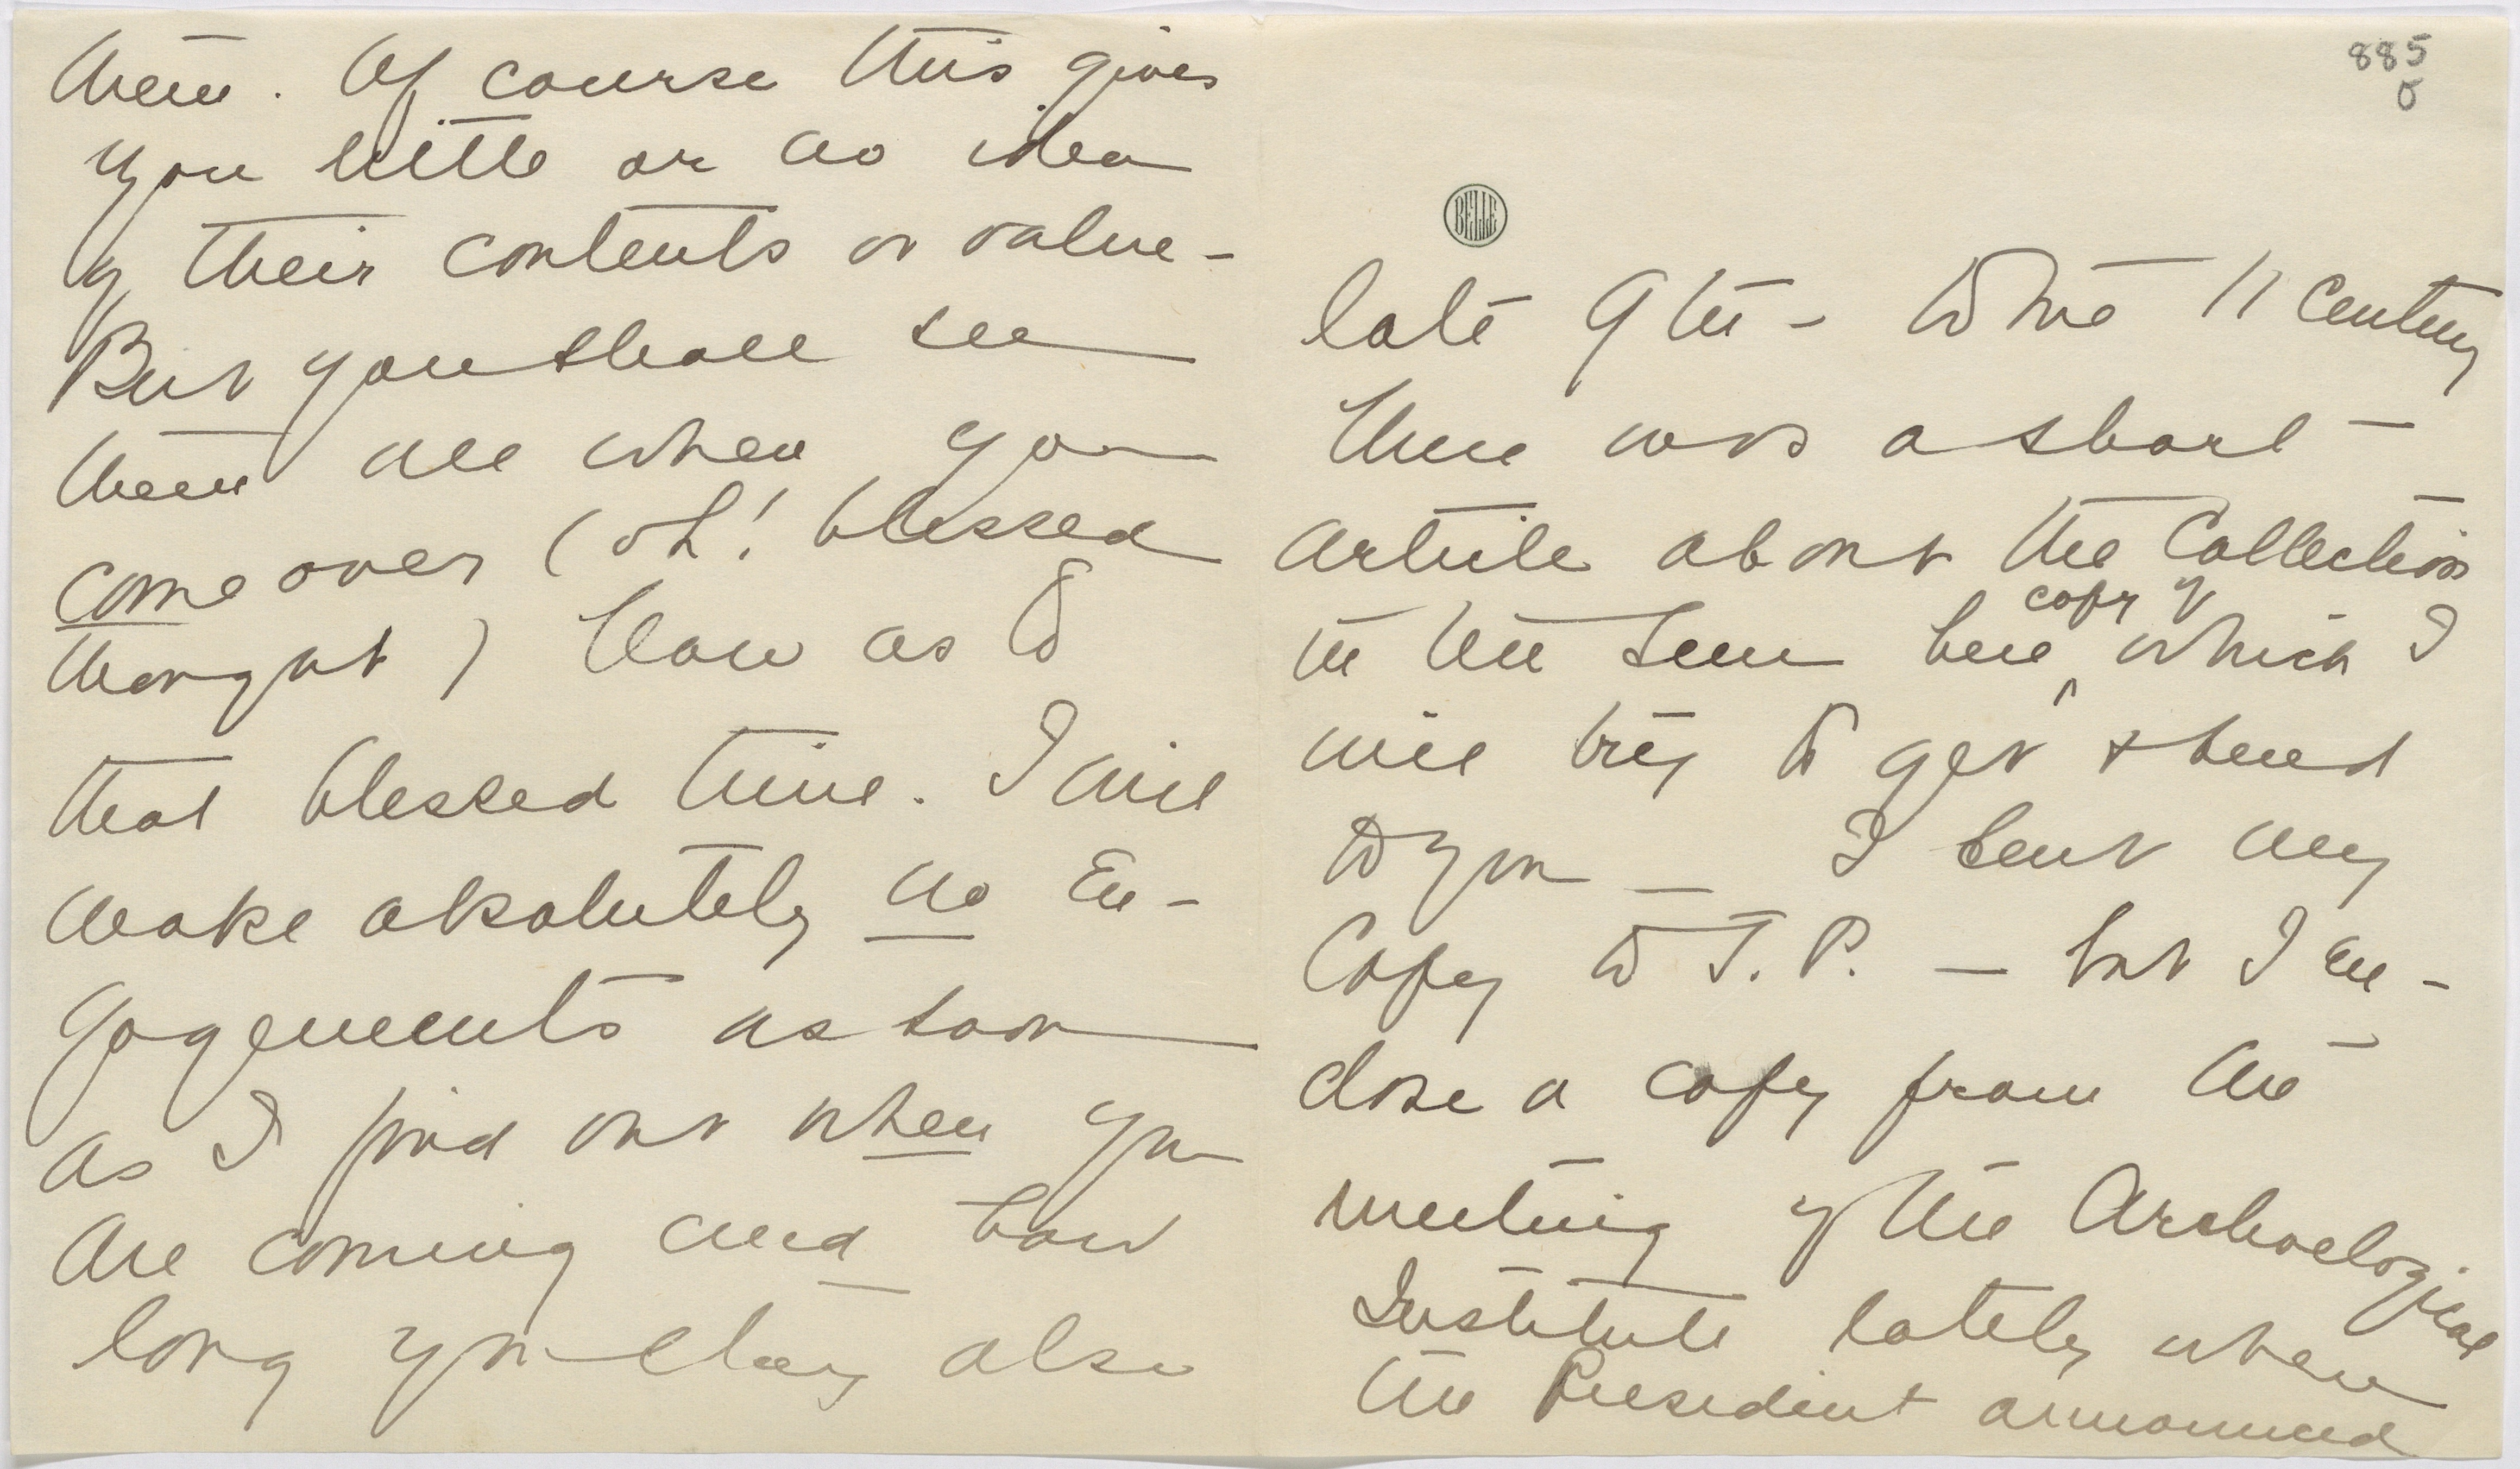late 9th to the 11 century
There was a short article about the collection in the Sun here [ˆcopy ofˆ] which I will try to get & send to you – I sent my copy to J. P. – but I enclose a copy from the meeting of the Archaeological Institute lately when the President announced
them. Of course this gives you little or no idea of their contents or value – But you shall see them all when you come over (oh! blessed thought) Now as to that blessed time. I will make absolutely no engagements as soon as I find out when you are coming and how long you stay also